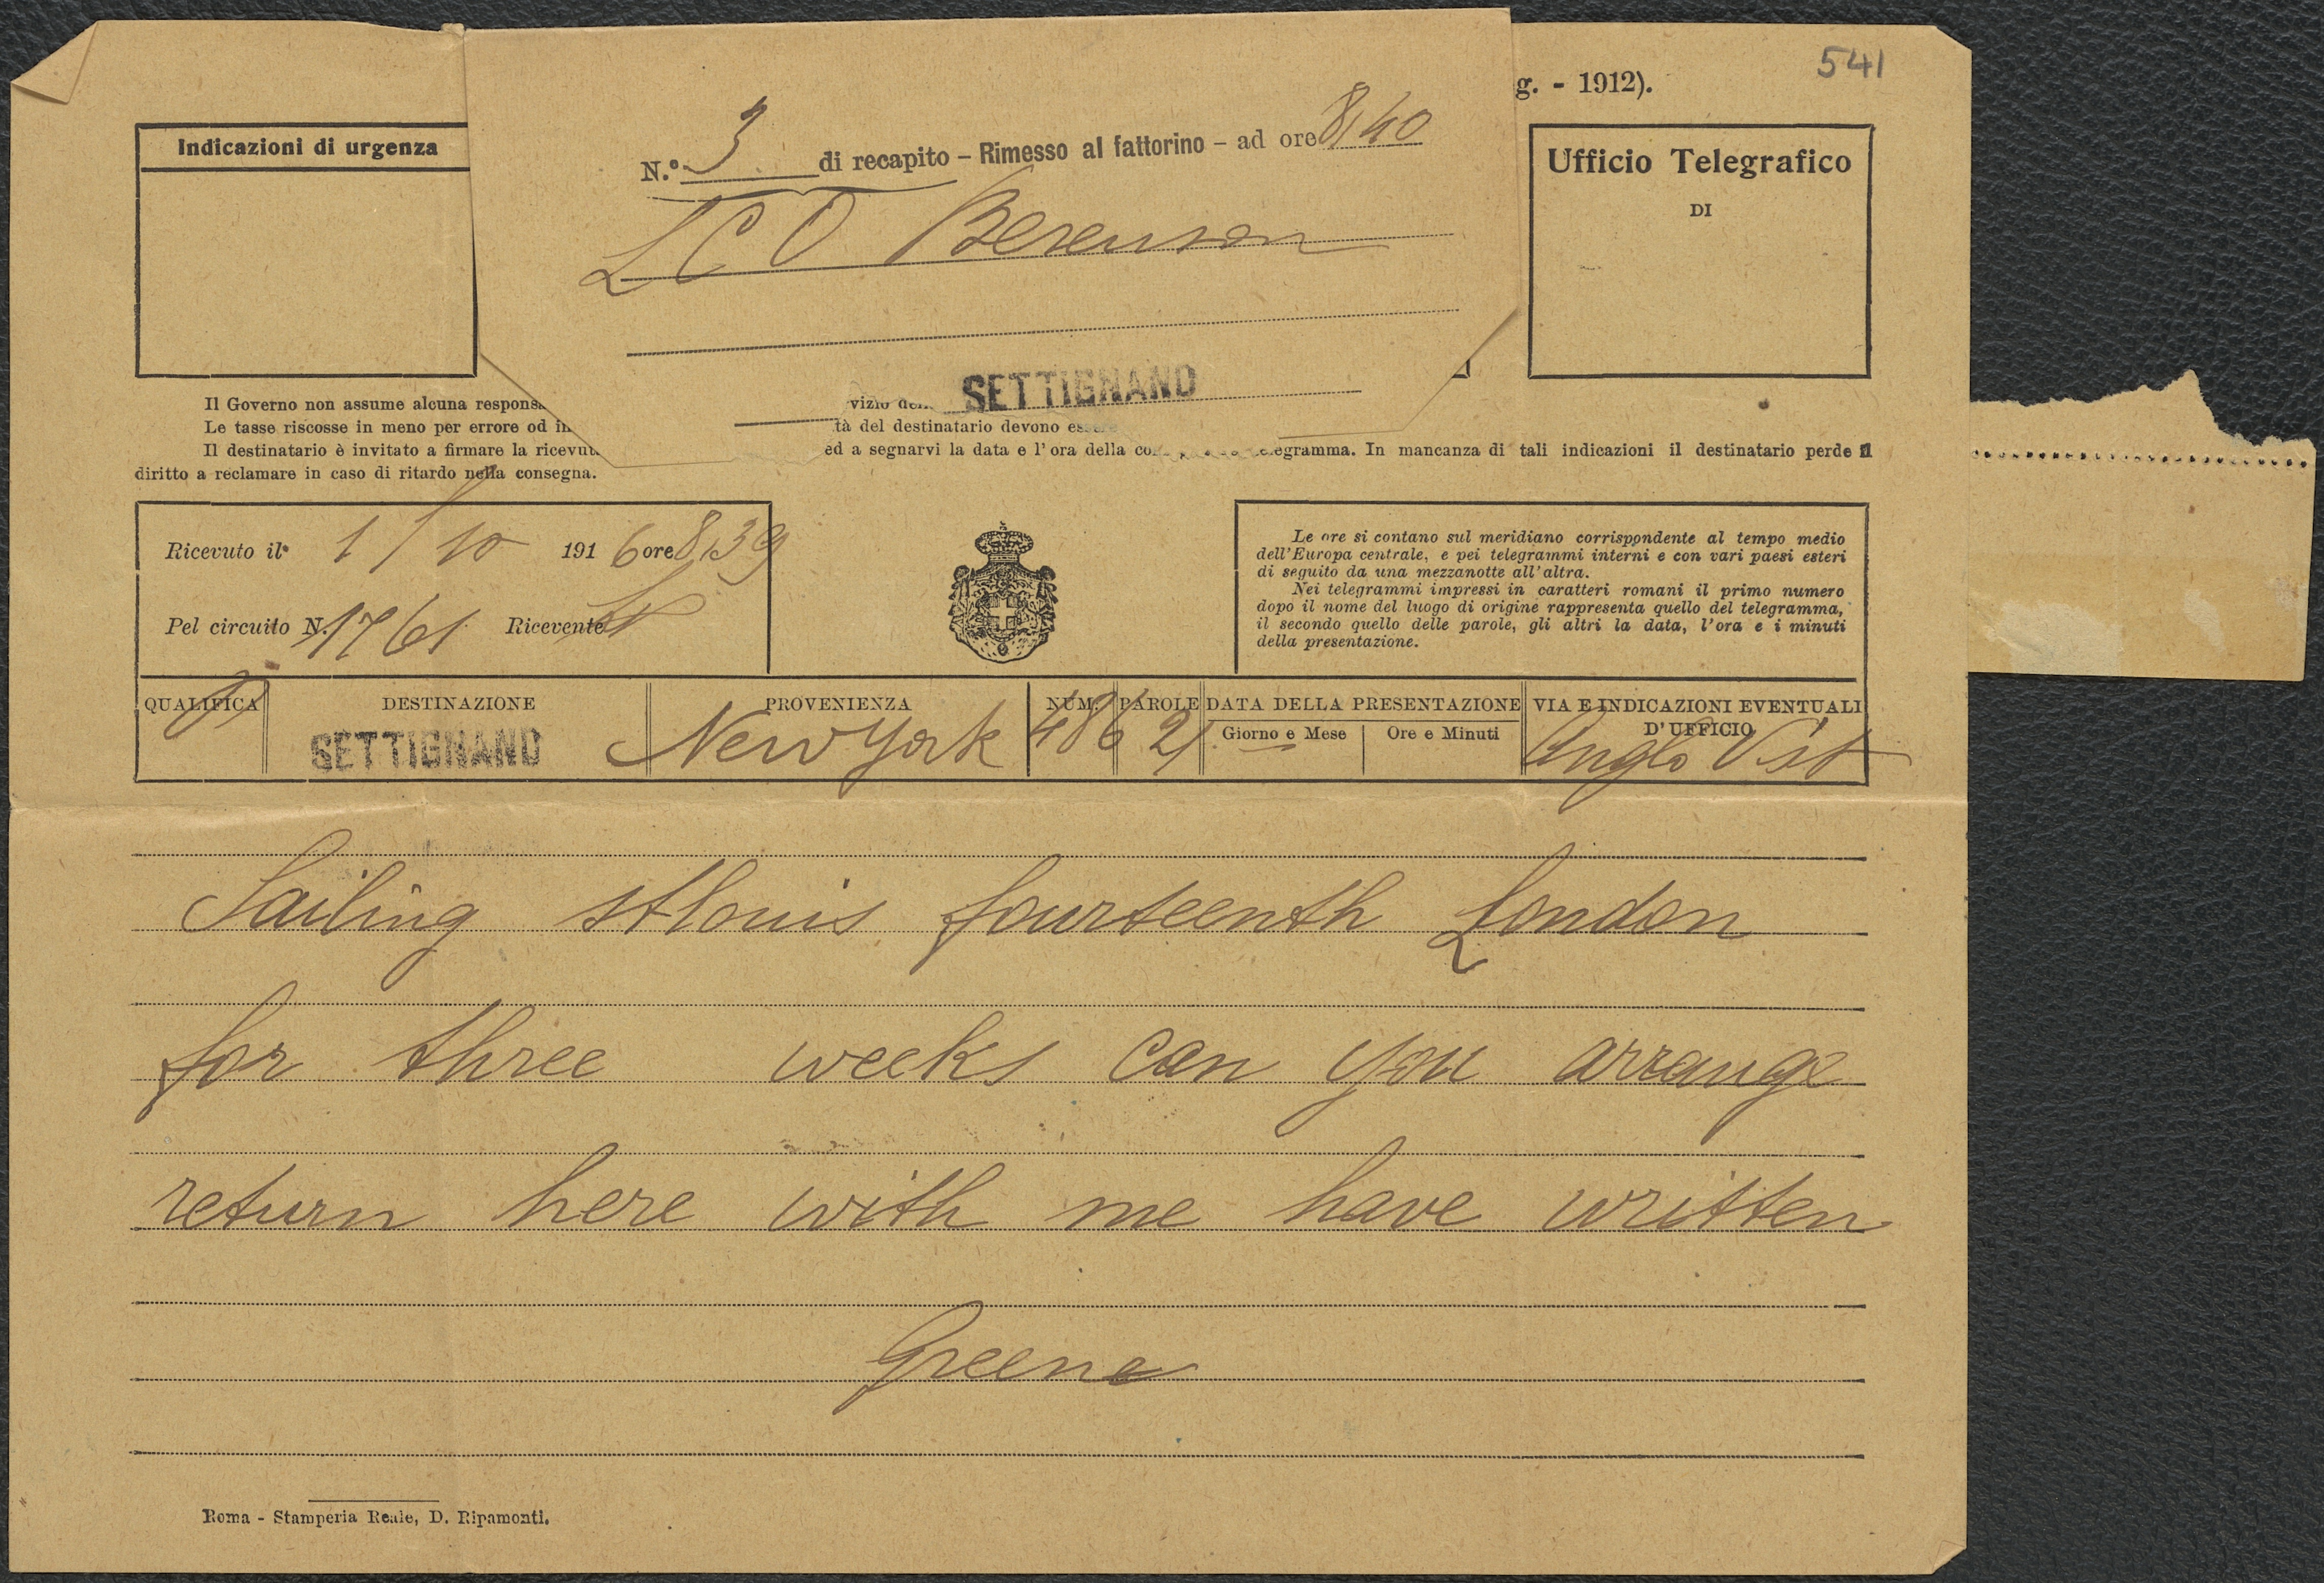Sailing stlouis fourteenth London for three weeks can you arrange return here with me have written
Greene